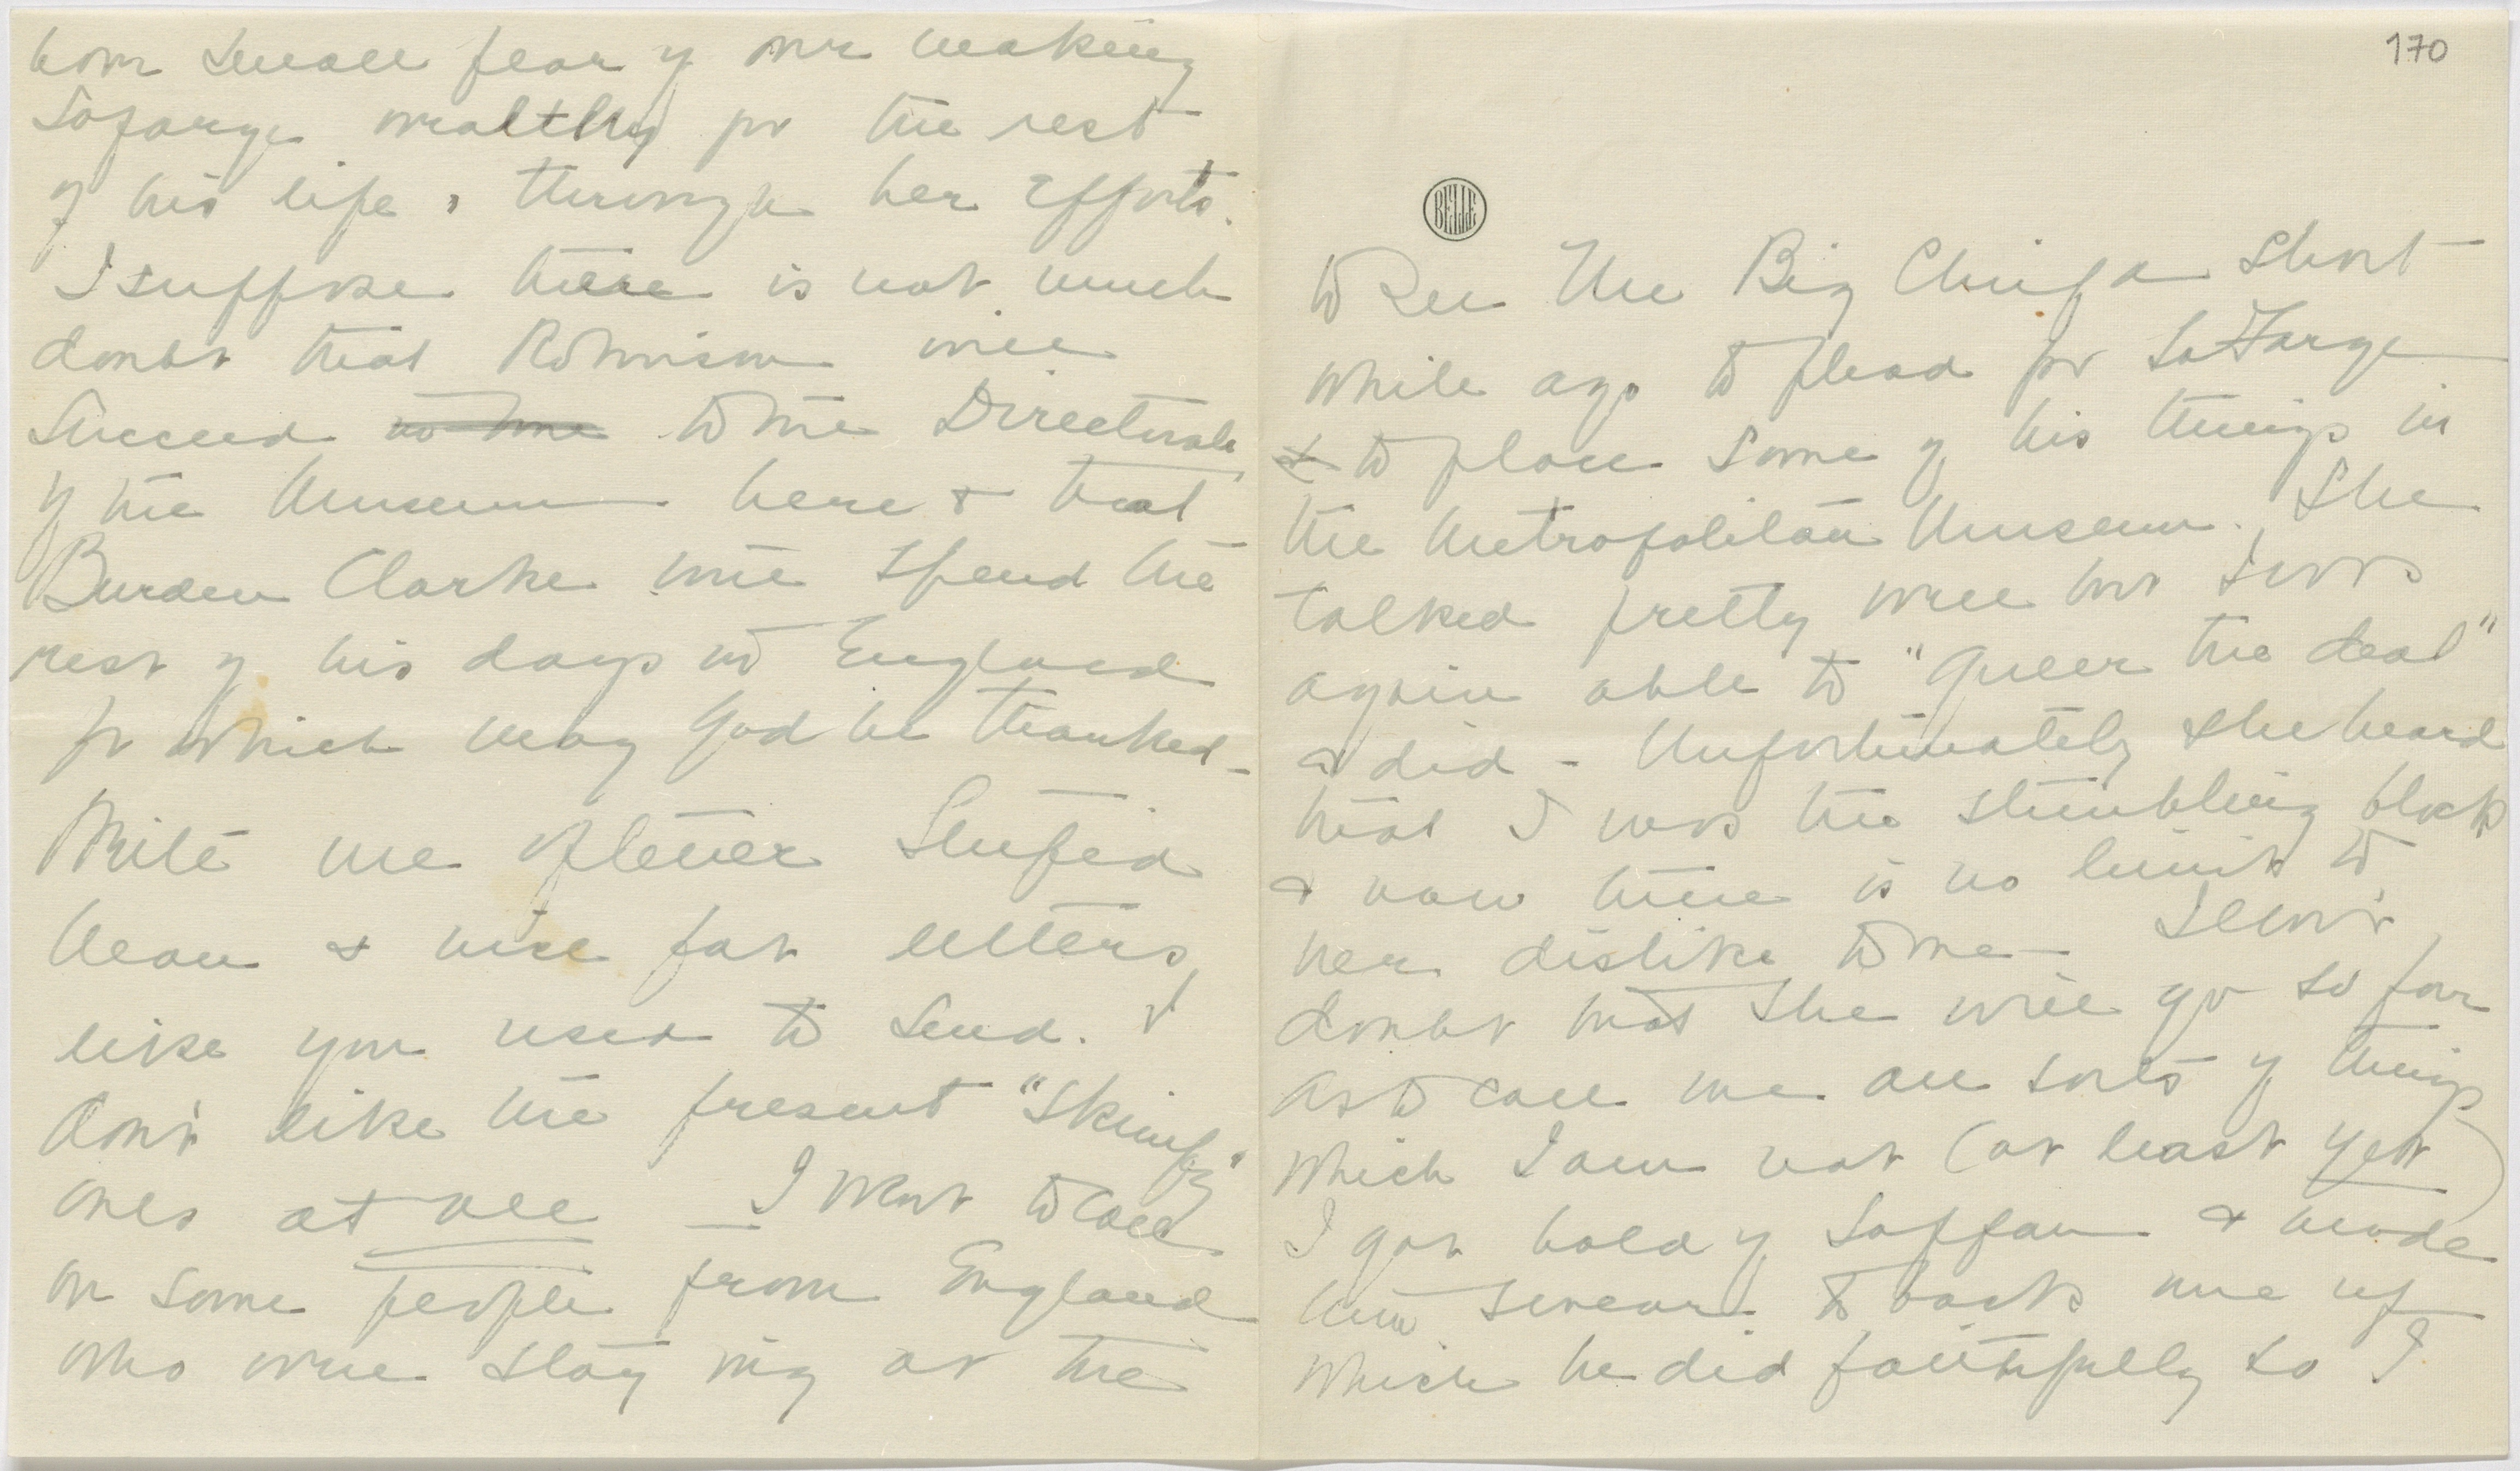to see the Big Chief a short while ago to plead for LaFarge & to place some of his things in the Metropolitan Museum. She talked pretty well but I was again able to “queer the deal” & did – Unfortunately she heard that I was the stumbling block & now there is no limit to her dislike to me – I can’t doubt that she will go so far as to call me all sorts of things which I am not (at least yet)
I got hold of Laffan & made him swear to back me up which he did faithfully so I
have small fear of our making Lafarge wealthy for the rest of his life, through her efforts. I suppose there is not much doubt that Robinson will no time to the Directorate of the Museum here & that Burden Clarke will spend the rest of his days in England for which may God be thanked –
Write me oftener Stupid Man & nice fat letters like you used to send. I don’t like the present “skimpy” ones [double underlined: at all] – I went to call on some people from England who were staying at the